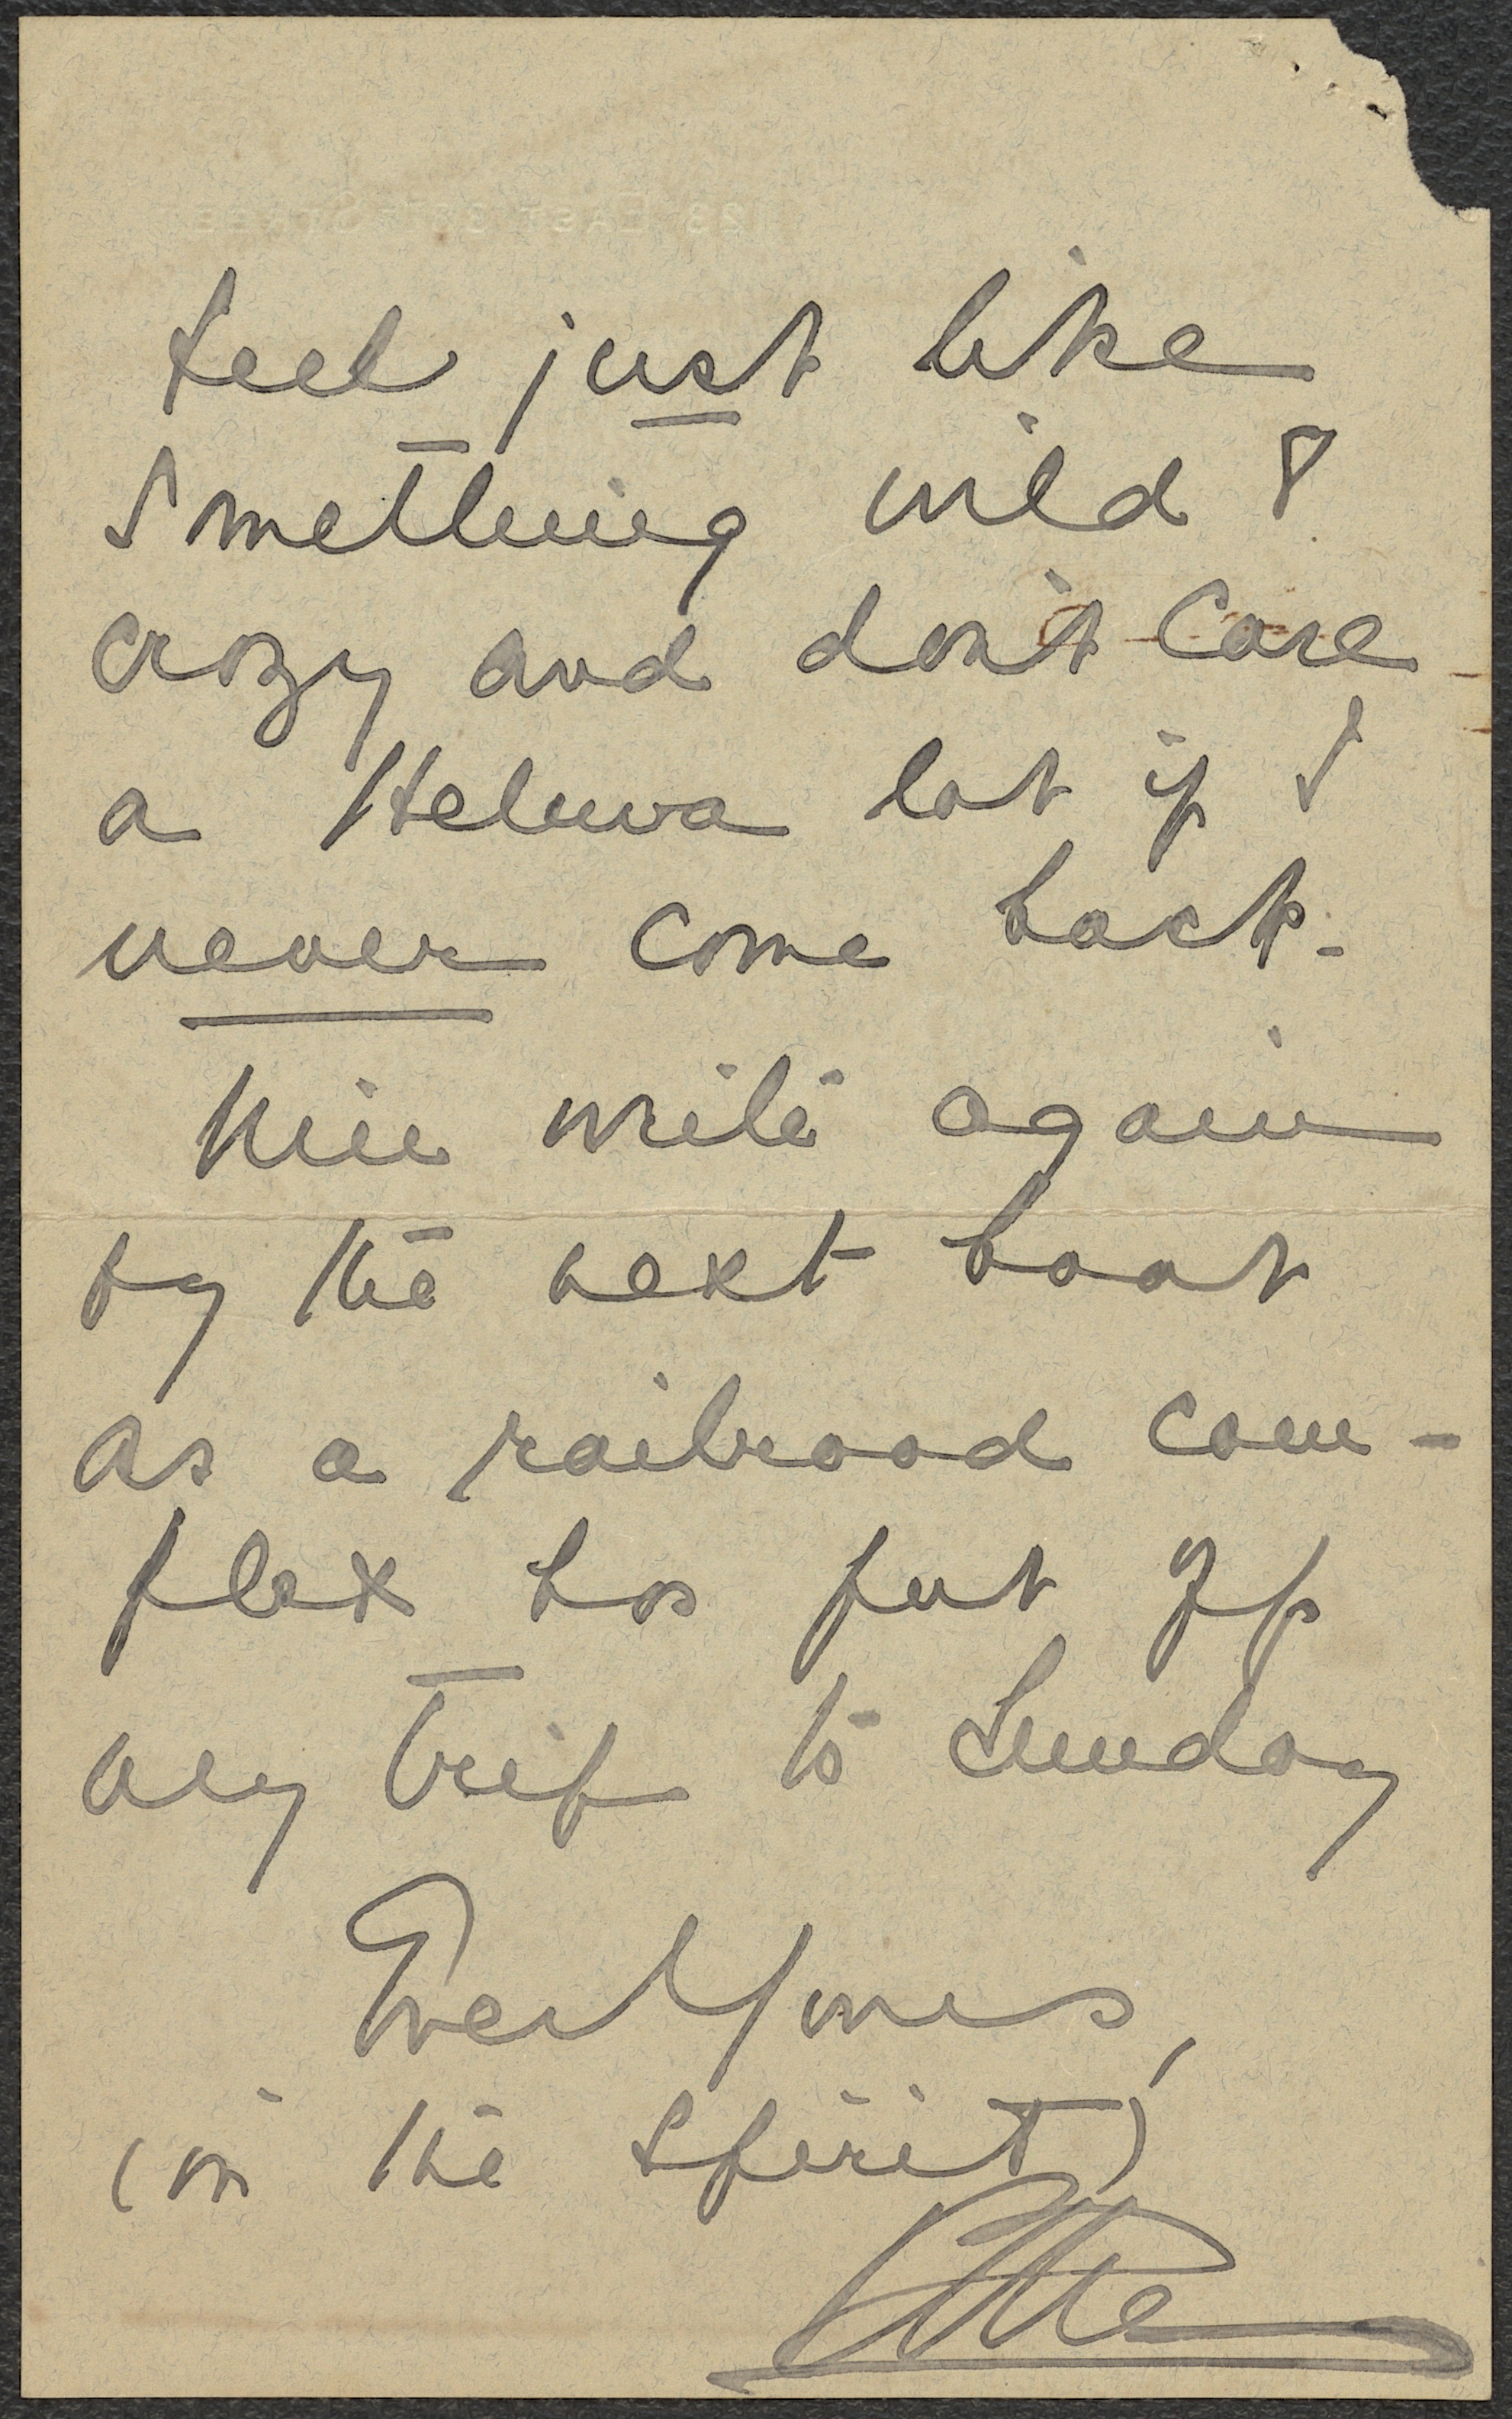feel just like something wild & crazy and don’t care a Heluva lot if I never come back –
Will write again by the next boat as a railroad complex has put off my trip to Sunday
Ever Yours, (in the spirit)
Belle